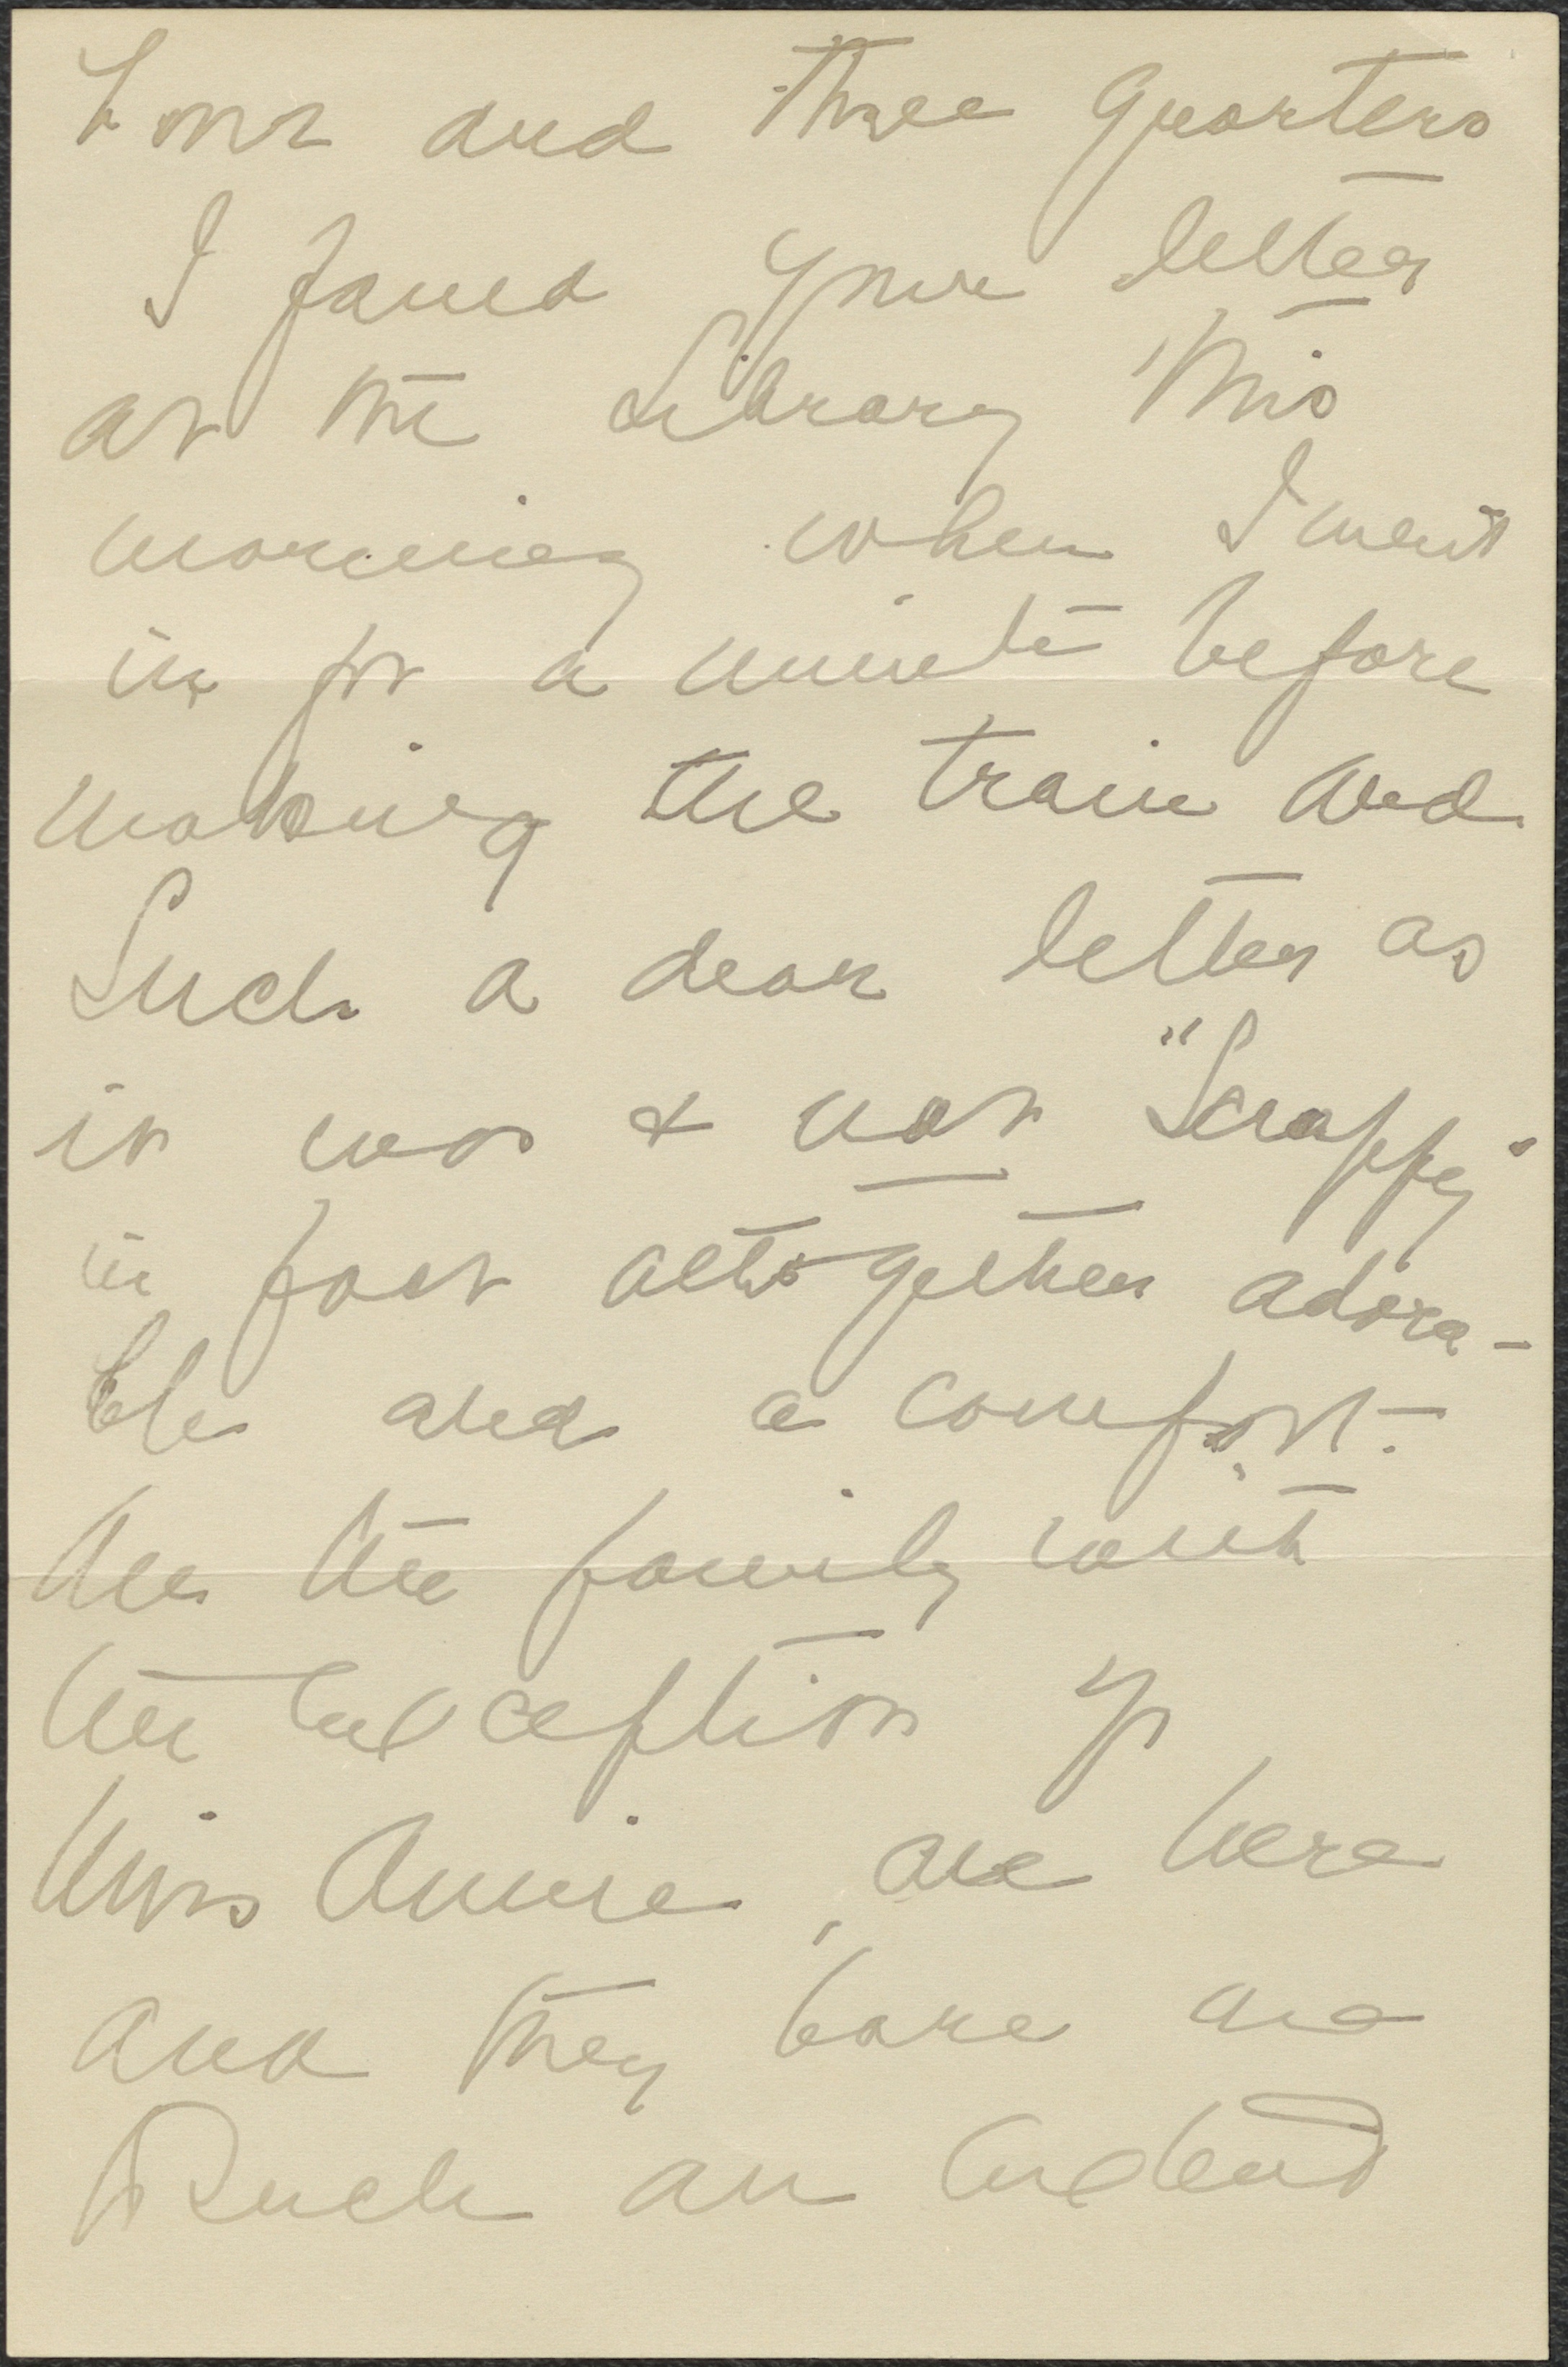hour and three quarters
I found your letter at the Library this morning when I went in for a minute before making the train and Such a dear letter as it was & not “Scrappy” in fact altogether adorable and a comfort.
All the family with the exception of Miss Annie, are here and they bore me to such an extent